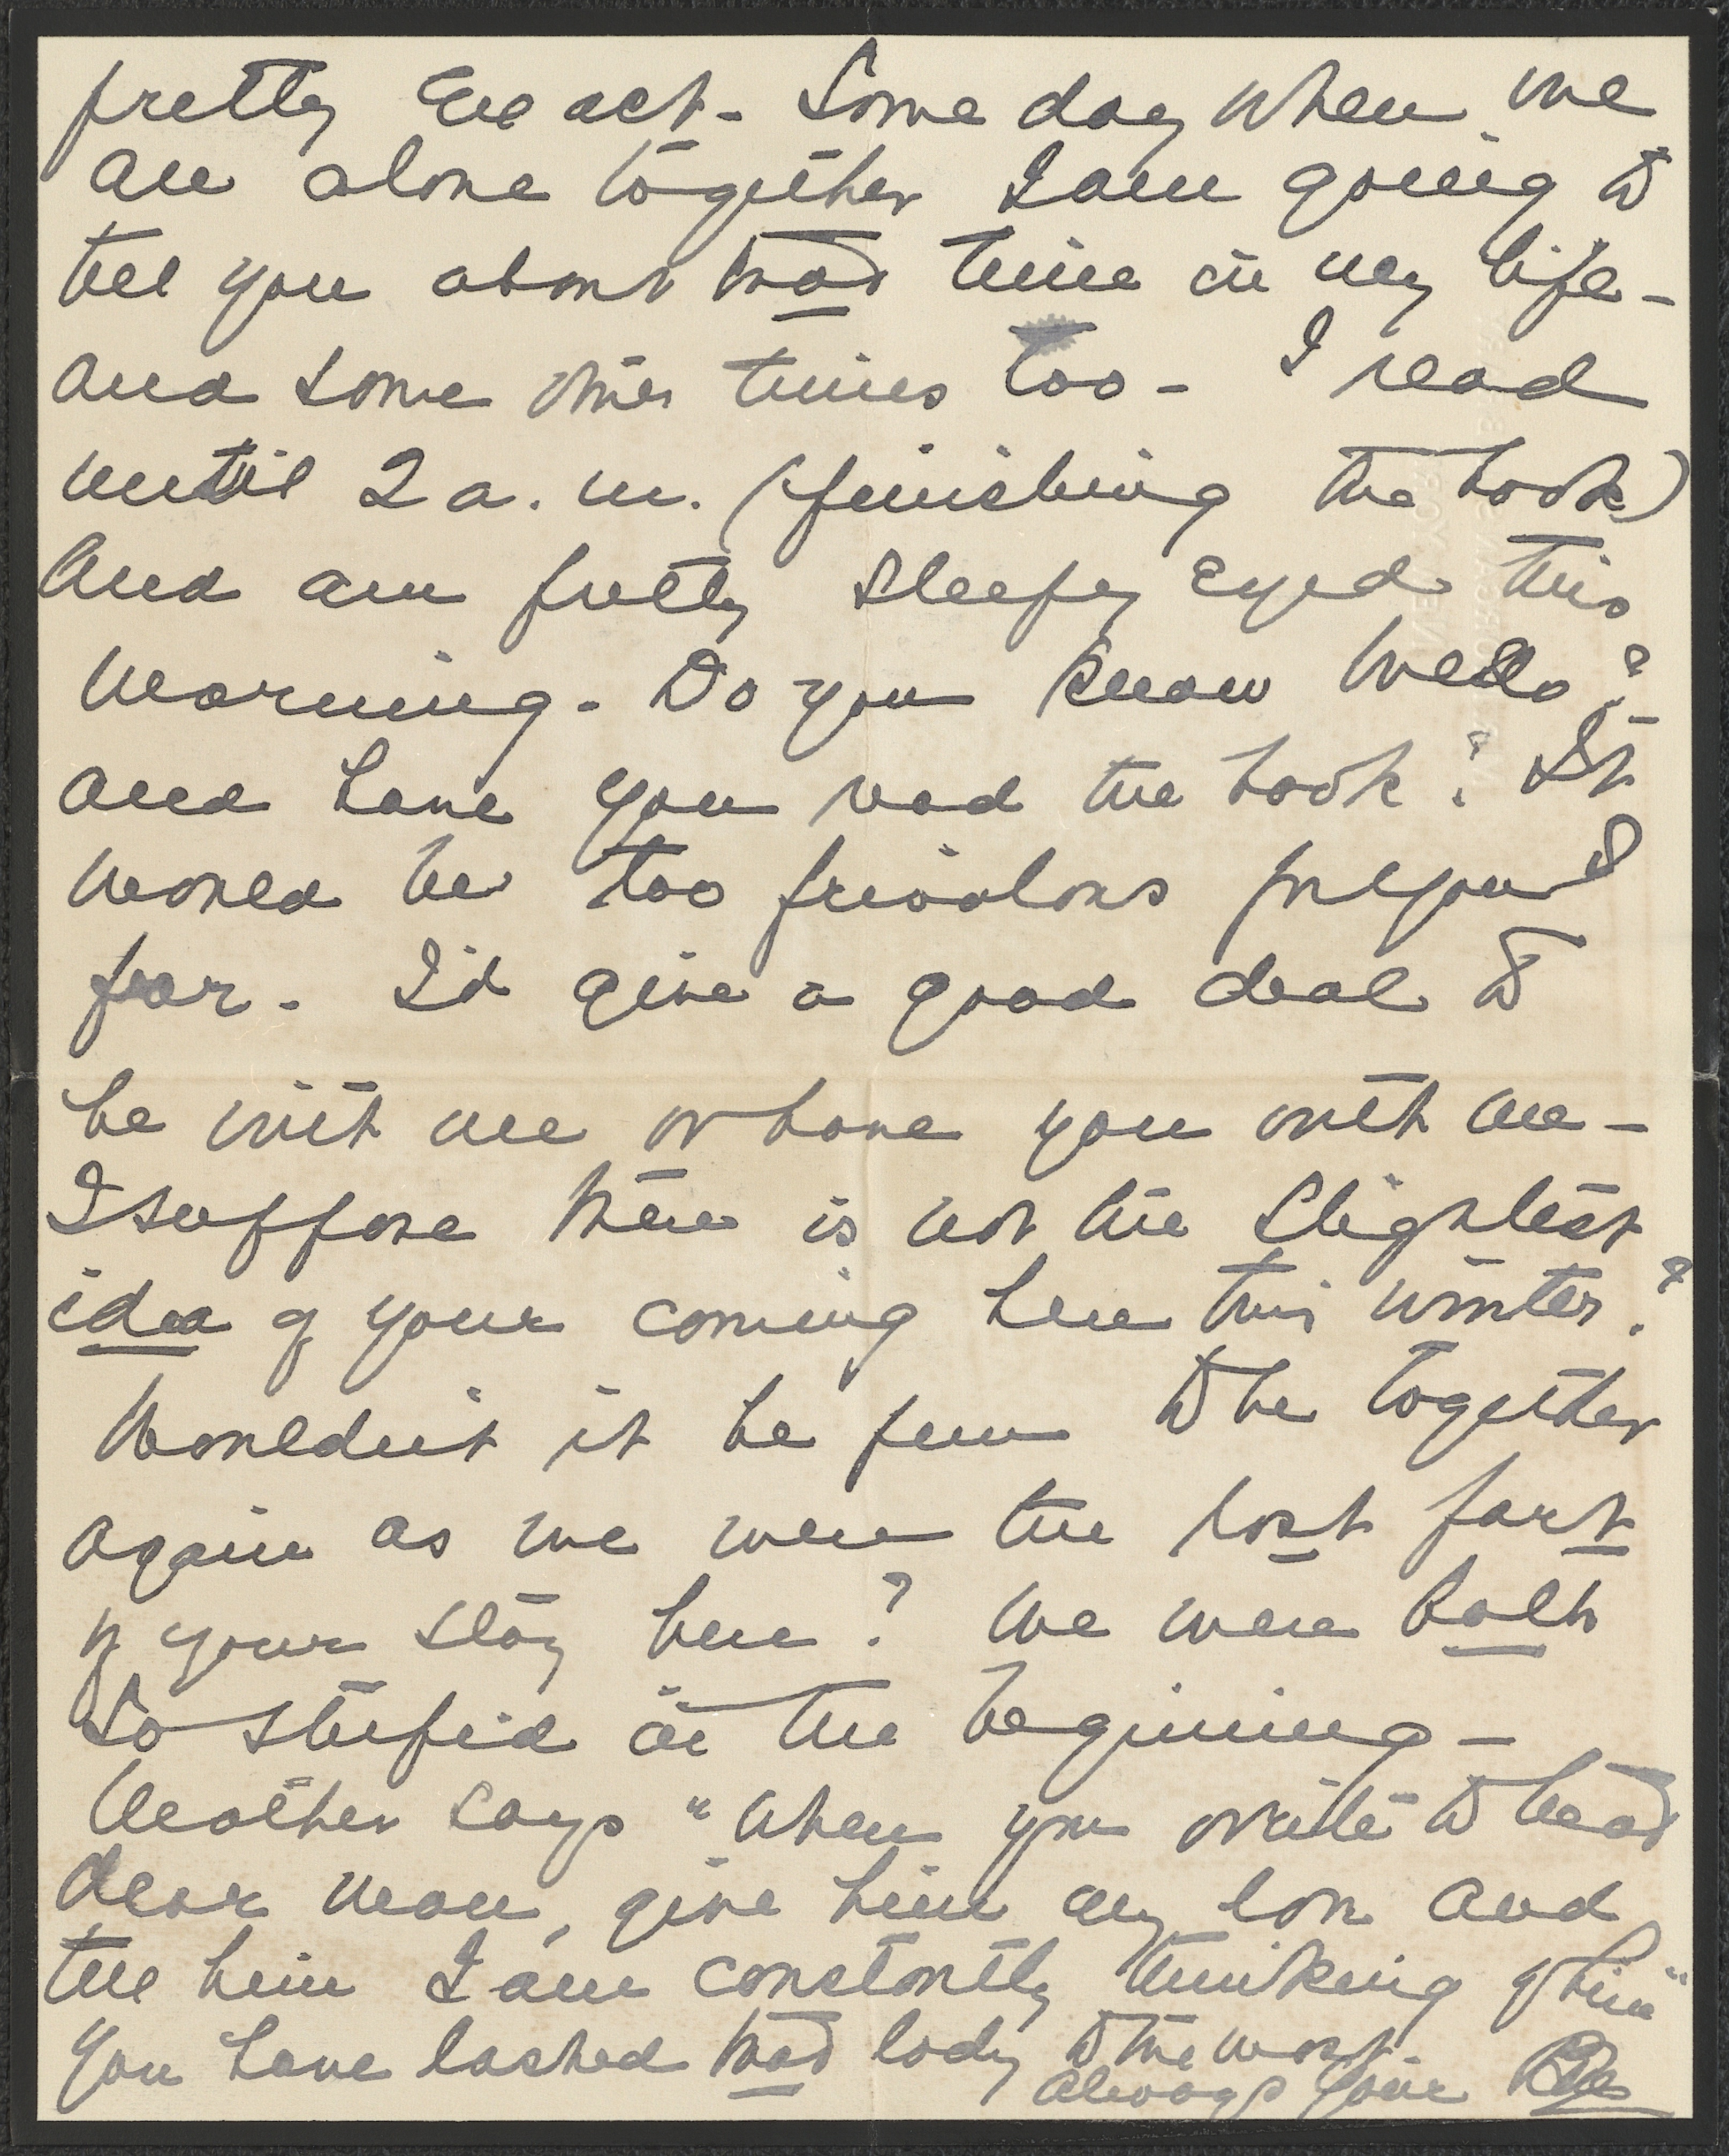pretty exact – Some day when we are alone together I am going to tell you about that time in my life – and some other times too – I read until 2 a.m. (finishing the book) and am pretty sleepy eyed this morning – Do you know Wells? – and have you read the book? It would be too frivolous for you I fear – I’d give a good deal to be with me or have you with me – I suppose there is not the slightest idea of your coming here this winter?
Wouldn’t it be fine to be together again as we were the last part of your stay here? We were both so stupid in the beginning –
Mother says “When you write to that dear man, give him my love and tell him I am constantly thinking of him” You have lashed that lady to the mast –
Always Your Belle